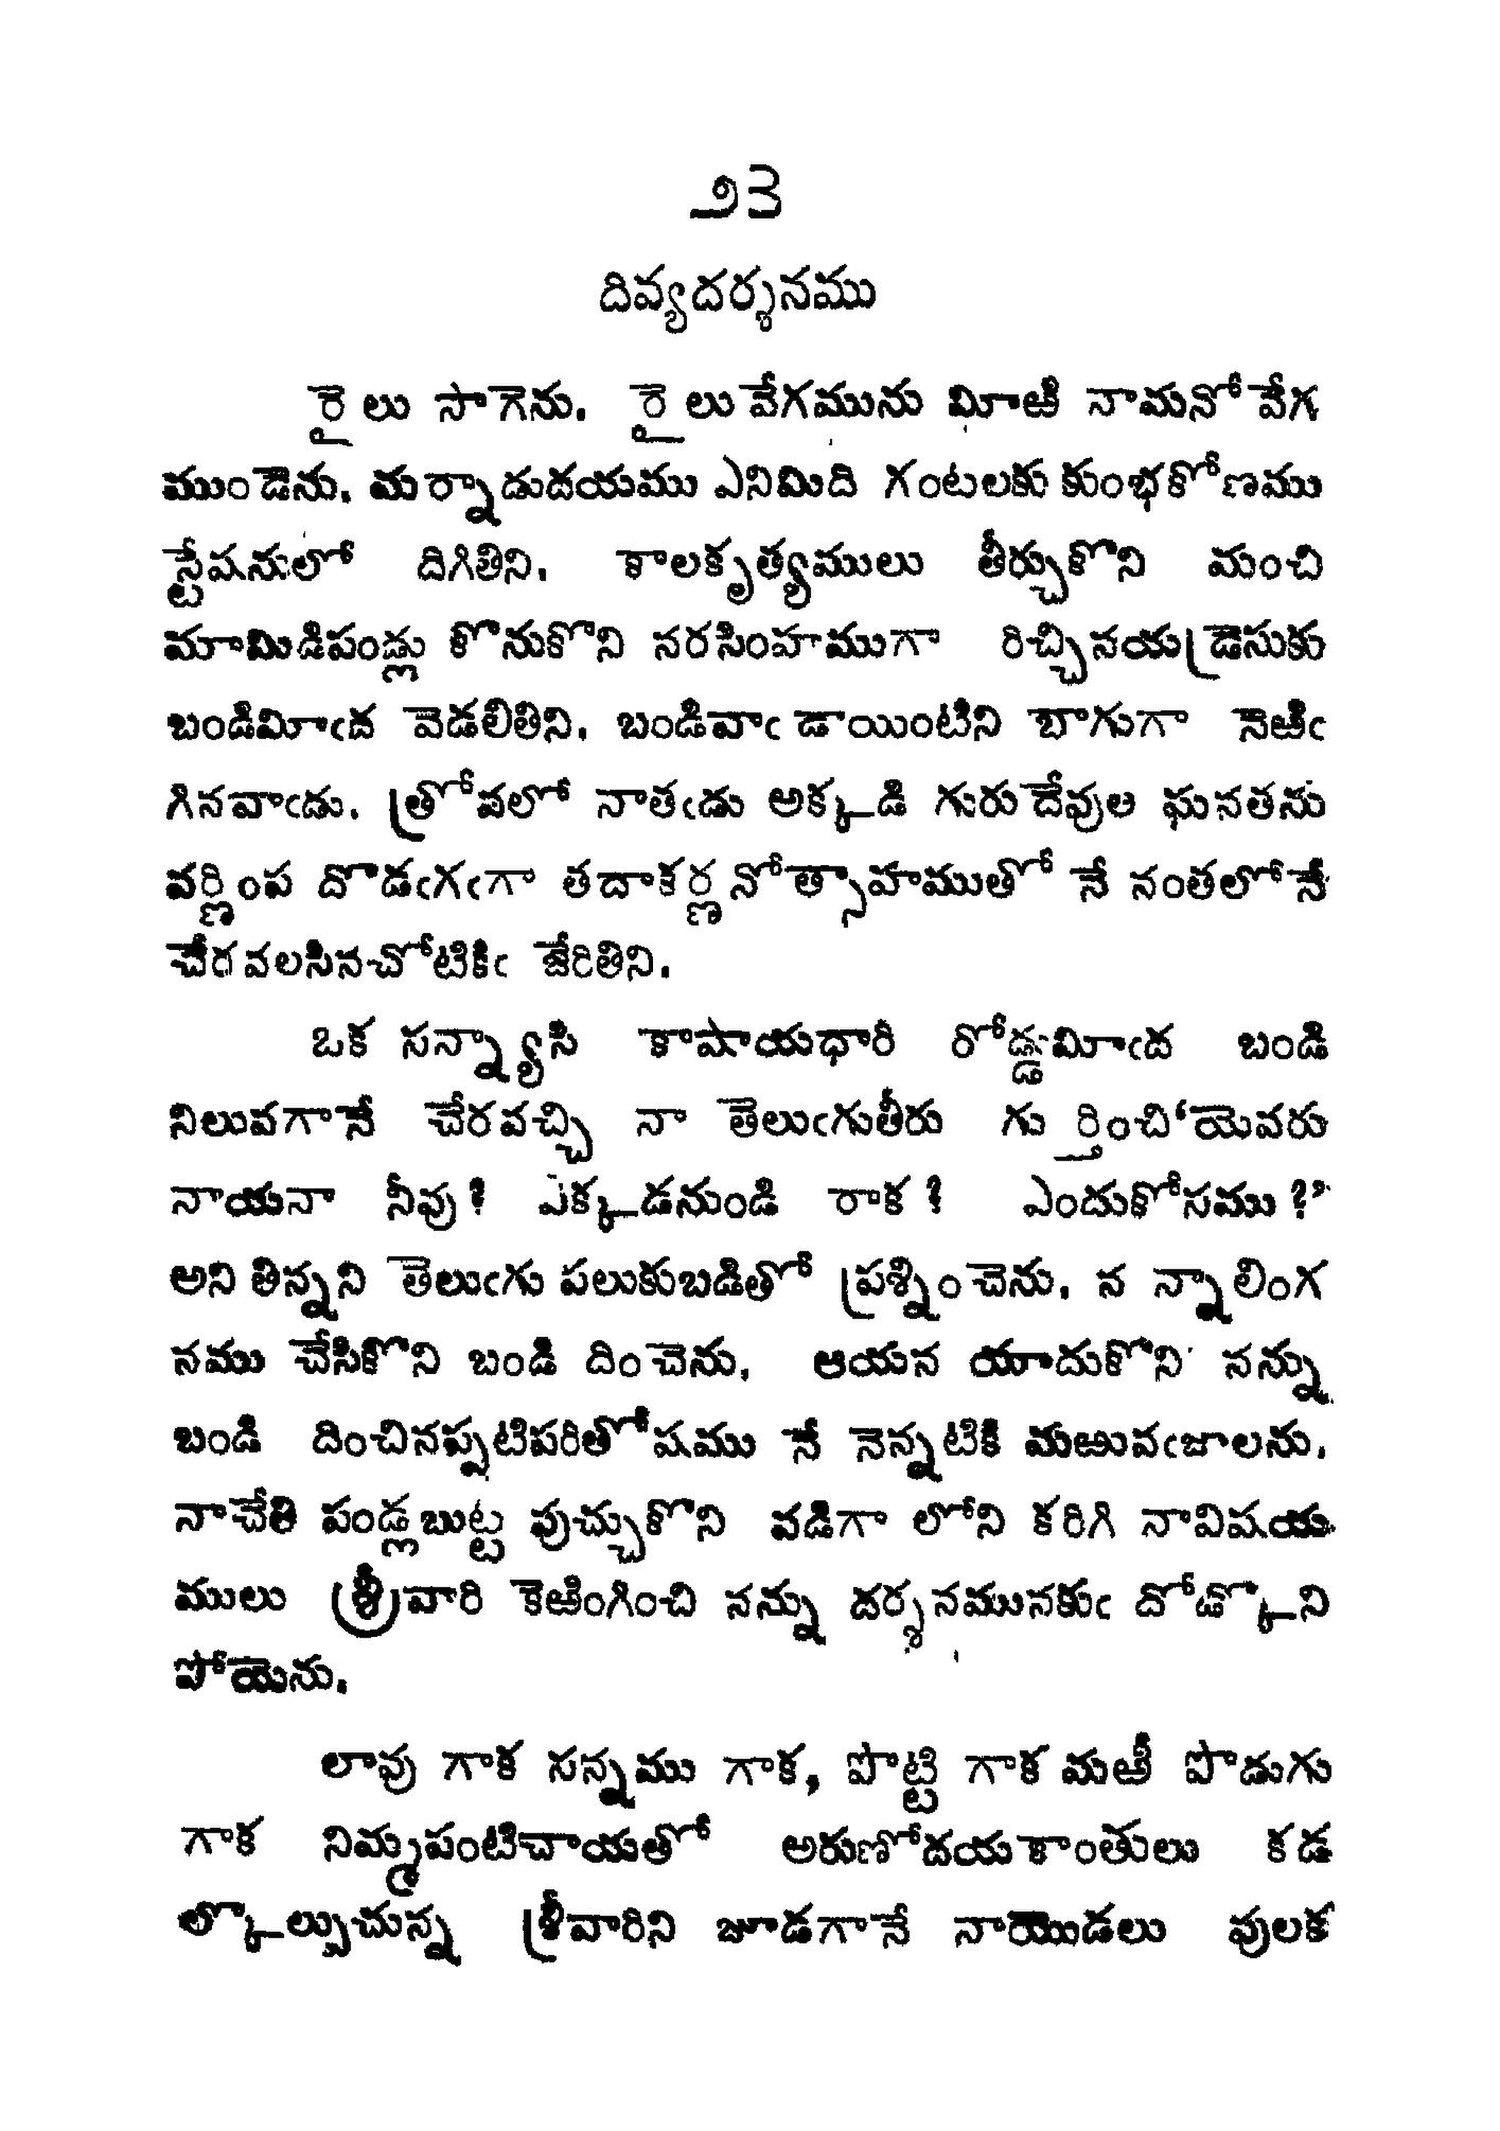రైలు సాగెను. రైలు వేగమును మీఱి నా మనోవేగాముండెను. మర్నాడుదయము ఎనిమిది గంటలకు కుంభకోణము స్టేషనులో దిగితిని. కాలకృత్యములు తీర్చుకొని మంచి మామిడి పండ్లు కొనుకొని నరసింహముగా రిచ్చిన యడ్రేసుకు బండి మిఁద వెడలితిని. బండి వాఁడా యింటిని బాగుగా నెఱిఁగిన వాఁడు. త్రోవలో నాతఁ డు అక్కడి గురుదేవుల ఘనతను వర్ణింప దొడఁగఁగా తదాకర్ణనోత్సాహముతో నే నంతలోనే చేర వలసినచోటికిఁ జేరితిని.

ఒక సన్న్యాసి కాషాయధారి రోడ్డుమిఁదబండి నిలువు గానే చేరవచ్చి నా తెలుఁగు తీరు గుర్తించి ' యెవరు నాయనా నీవు? ఎక్కడ నుండి రాక? ఎందుకోసము?' అని తిన్నని తెలుఁ గు పలుకు బడితో ప్రశ్నించెను. నా న్నాలింగ నము చేసికొని బండి దించెను. ఆయన యాదుకొని నన్ను బండి దించినప్పటి పరితోషము నే నెన్నటికి మఱువఁ జాలను. నా చేతి పండ్ల బుట్ట పుచ్చుకొని వడిగాలోని కరిగి నా విషయములు శ్రీ వారి కెఱింగించి నన్ను దర్శనమునకుఁ దోడ్కొని పోయెను. 

లావు గాక సన్నము గాక, పొట్టి గాక మఱీ పొడుగు గాక నిమ్మపంటిచాయతో అరుణోదయ కాంతులు కడల్కొల్పుచున్న శ్రీ వారిని జూడగానే నాయొడలు పులక